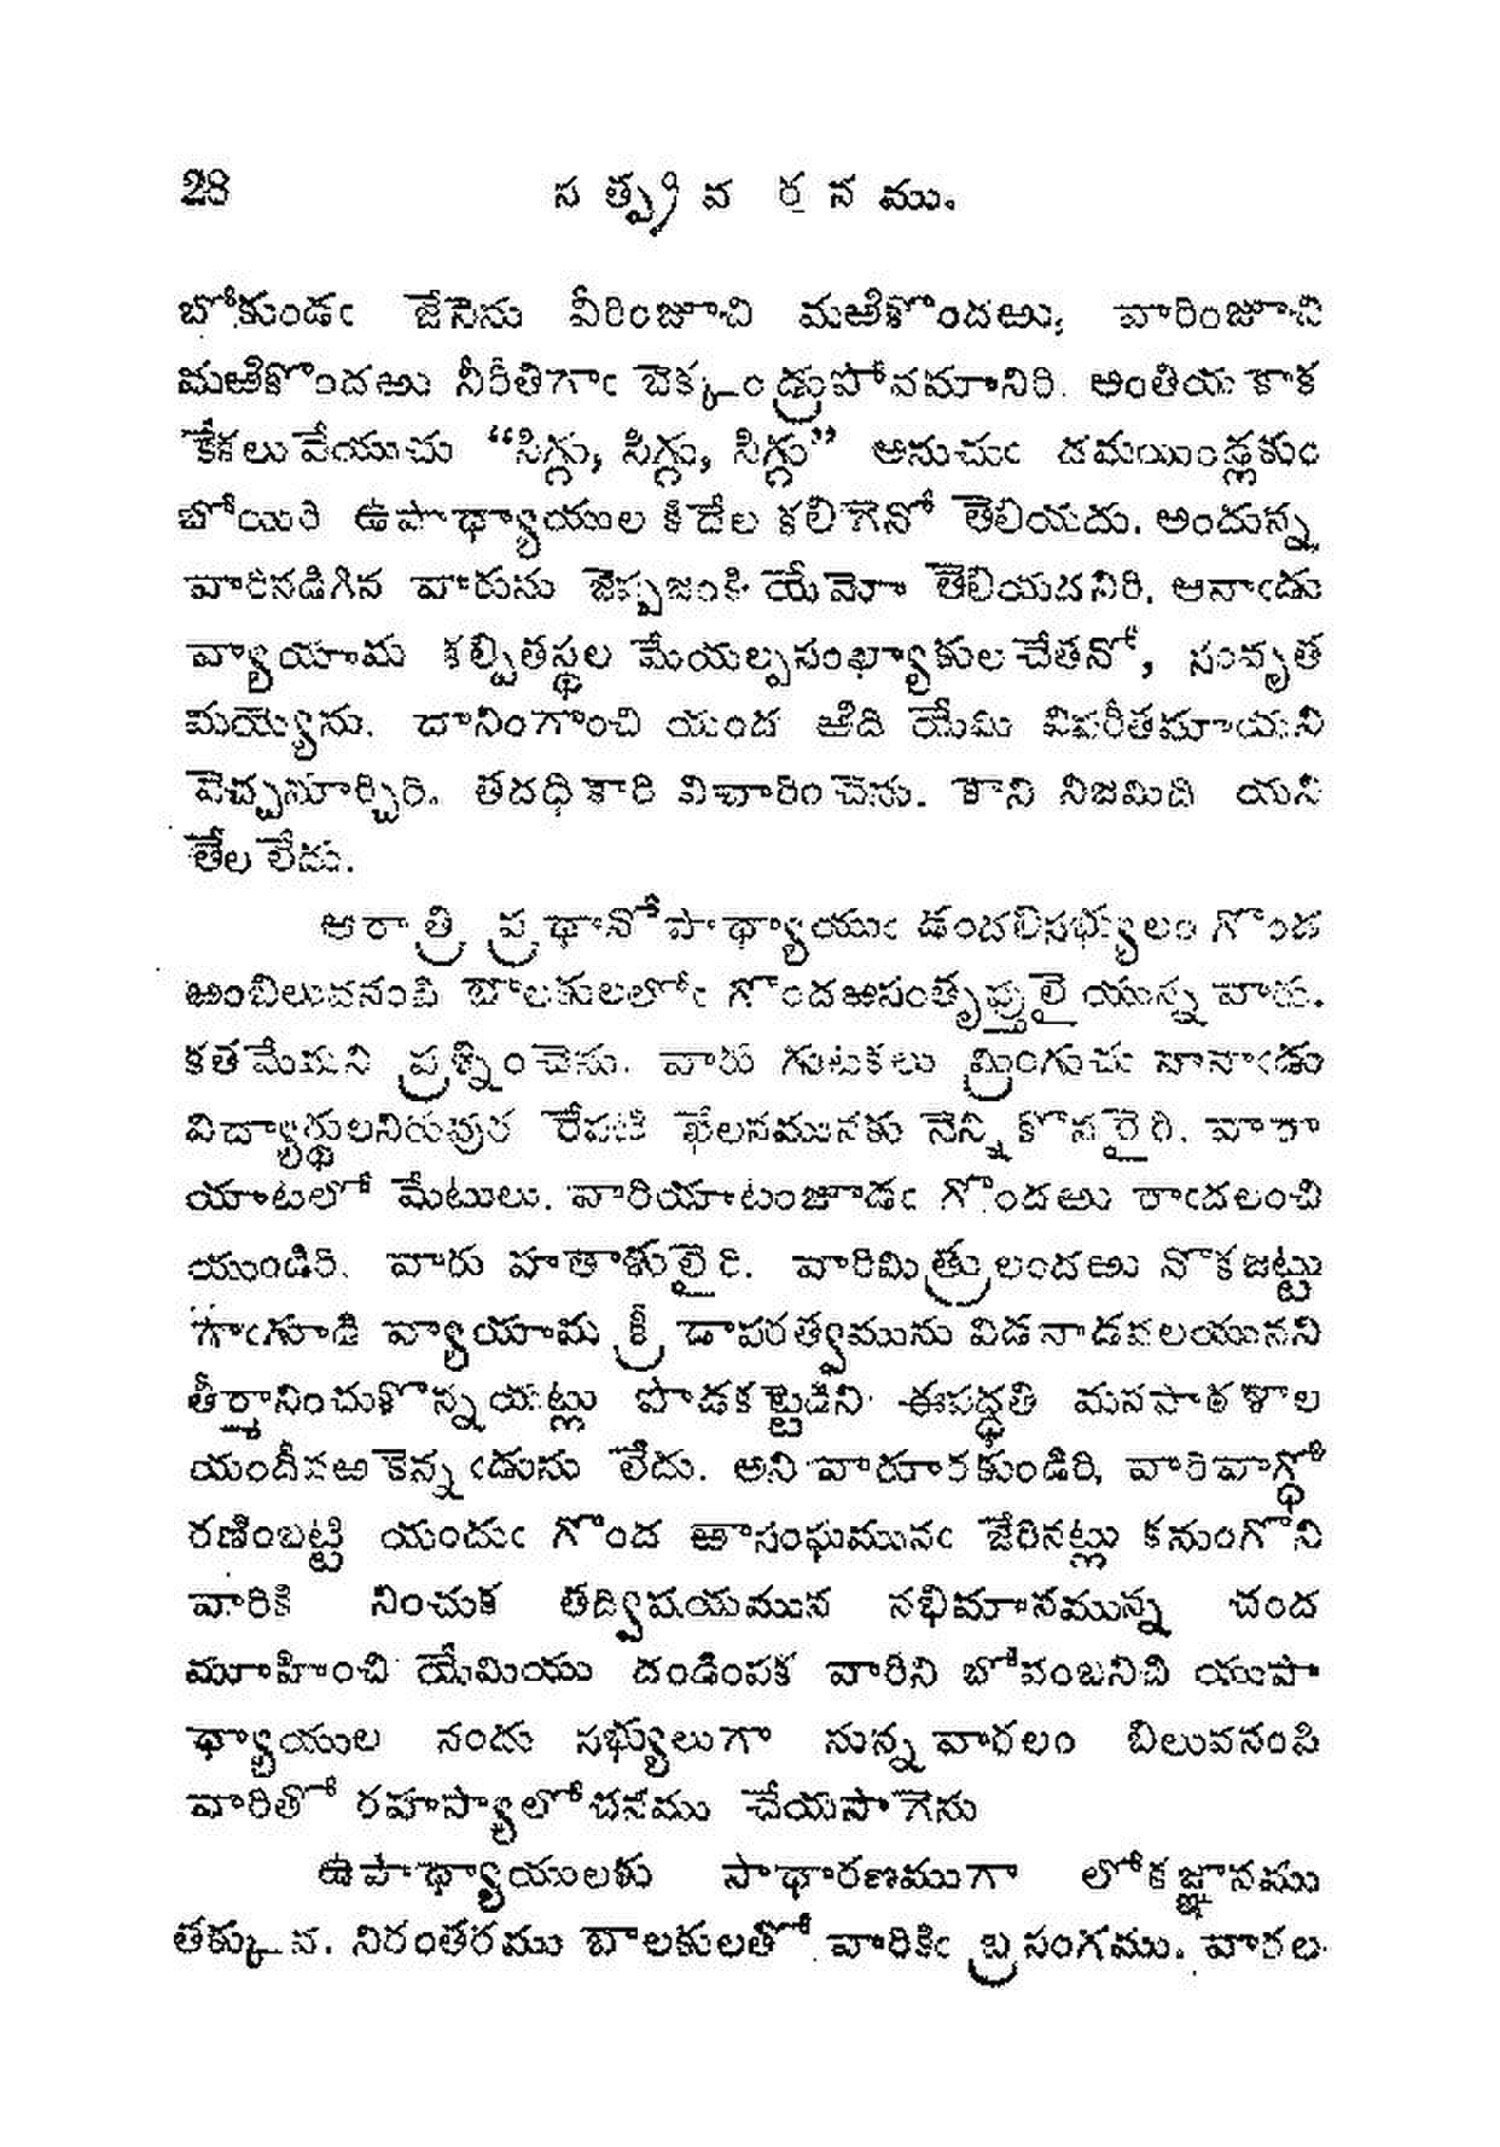బోకుండఁ జేసెను వీరింజూచి మరికొందరు , వారింజూచి మణికొందఱు నీతిగాఁ బెక్కండ్రుపోవమానిరి. అంతీయ కాక "కేకలు వేయుచు “సిగ్గు, సిగ్లు, సిగ్గు" అనుచుఁ దమయిండ్లకుఁ బోయిరి ఉపాధ్యాయులకిదేల కలిగెనో తెలియదు. అందున్న వారినడిగిన వారును జెప్పరు. యేమో తెలియదనిరి. ఆనాఁడు వ్యాయామ కల్పితస్థల మేయల్ప సంఖ్యాకుల చేతనో, సువృతమయ్యెను, దానింగాంచి యందఱిది యేమి విపరీతమాయని వెచ్చమార్చిరి. తదధికారి విచారంచెసు. కాని నిజమిది యని తేల లేదు.

ఆరాత్రి, ప్రధానోపాధ్యాయుఁ డందలి సభ్యలుగొందబింబిలువనంపి బాలకులలో గొందరసంత్సవులై యున్నవార. కతమేముని ప్రశ్నించెను. వారు గుటకలు మింగుచు నాడు విద్యార్థులనిరువుర రేపటి ఖేలనమునకు నెన్నీ కొనరైరి, వారా యాటలో మేటులు, 'నారియాటంజూడఁ గొందఱు రాఁదలంచి యుండిరి, వారు హతాశులైరి. వారిమిత్రులందఱు నొకజట్టుగాఁ గూడి వ్యాయామ క్రీడాపరత్వమును విడనాడవలయునని తీర్మానించుకొన్న యట్లు పొడకట్టడిని ఈపద్దతి మసపాఠశాల యందీపఱికెన్నఁడును "లేదు. అని ఊరూరకుండిరి, వారి వాగ్దోరణింబట్టి యందుఁ గొంద ఱాసంఘమునఁ జేరినట్లు కనుంగొని వారికి నించుక తద్విషయమున నభిమానమున్న చంద మూహించి యేమియు దండింపక వారిని బోవంబనిచి యుపా ధ్యాయుల నందు సభ్యులుగా నున్నవారలం బిలువనంపి వారితో రహస్యాలోచనము చేయసాగెను

ఉపాధ్యాయులకు సాధారణముగా లోక జ్ఞానము తక్కున. నిరంతరము బాలకులతో వారికి ప్రసంగము. వారల,